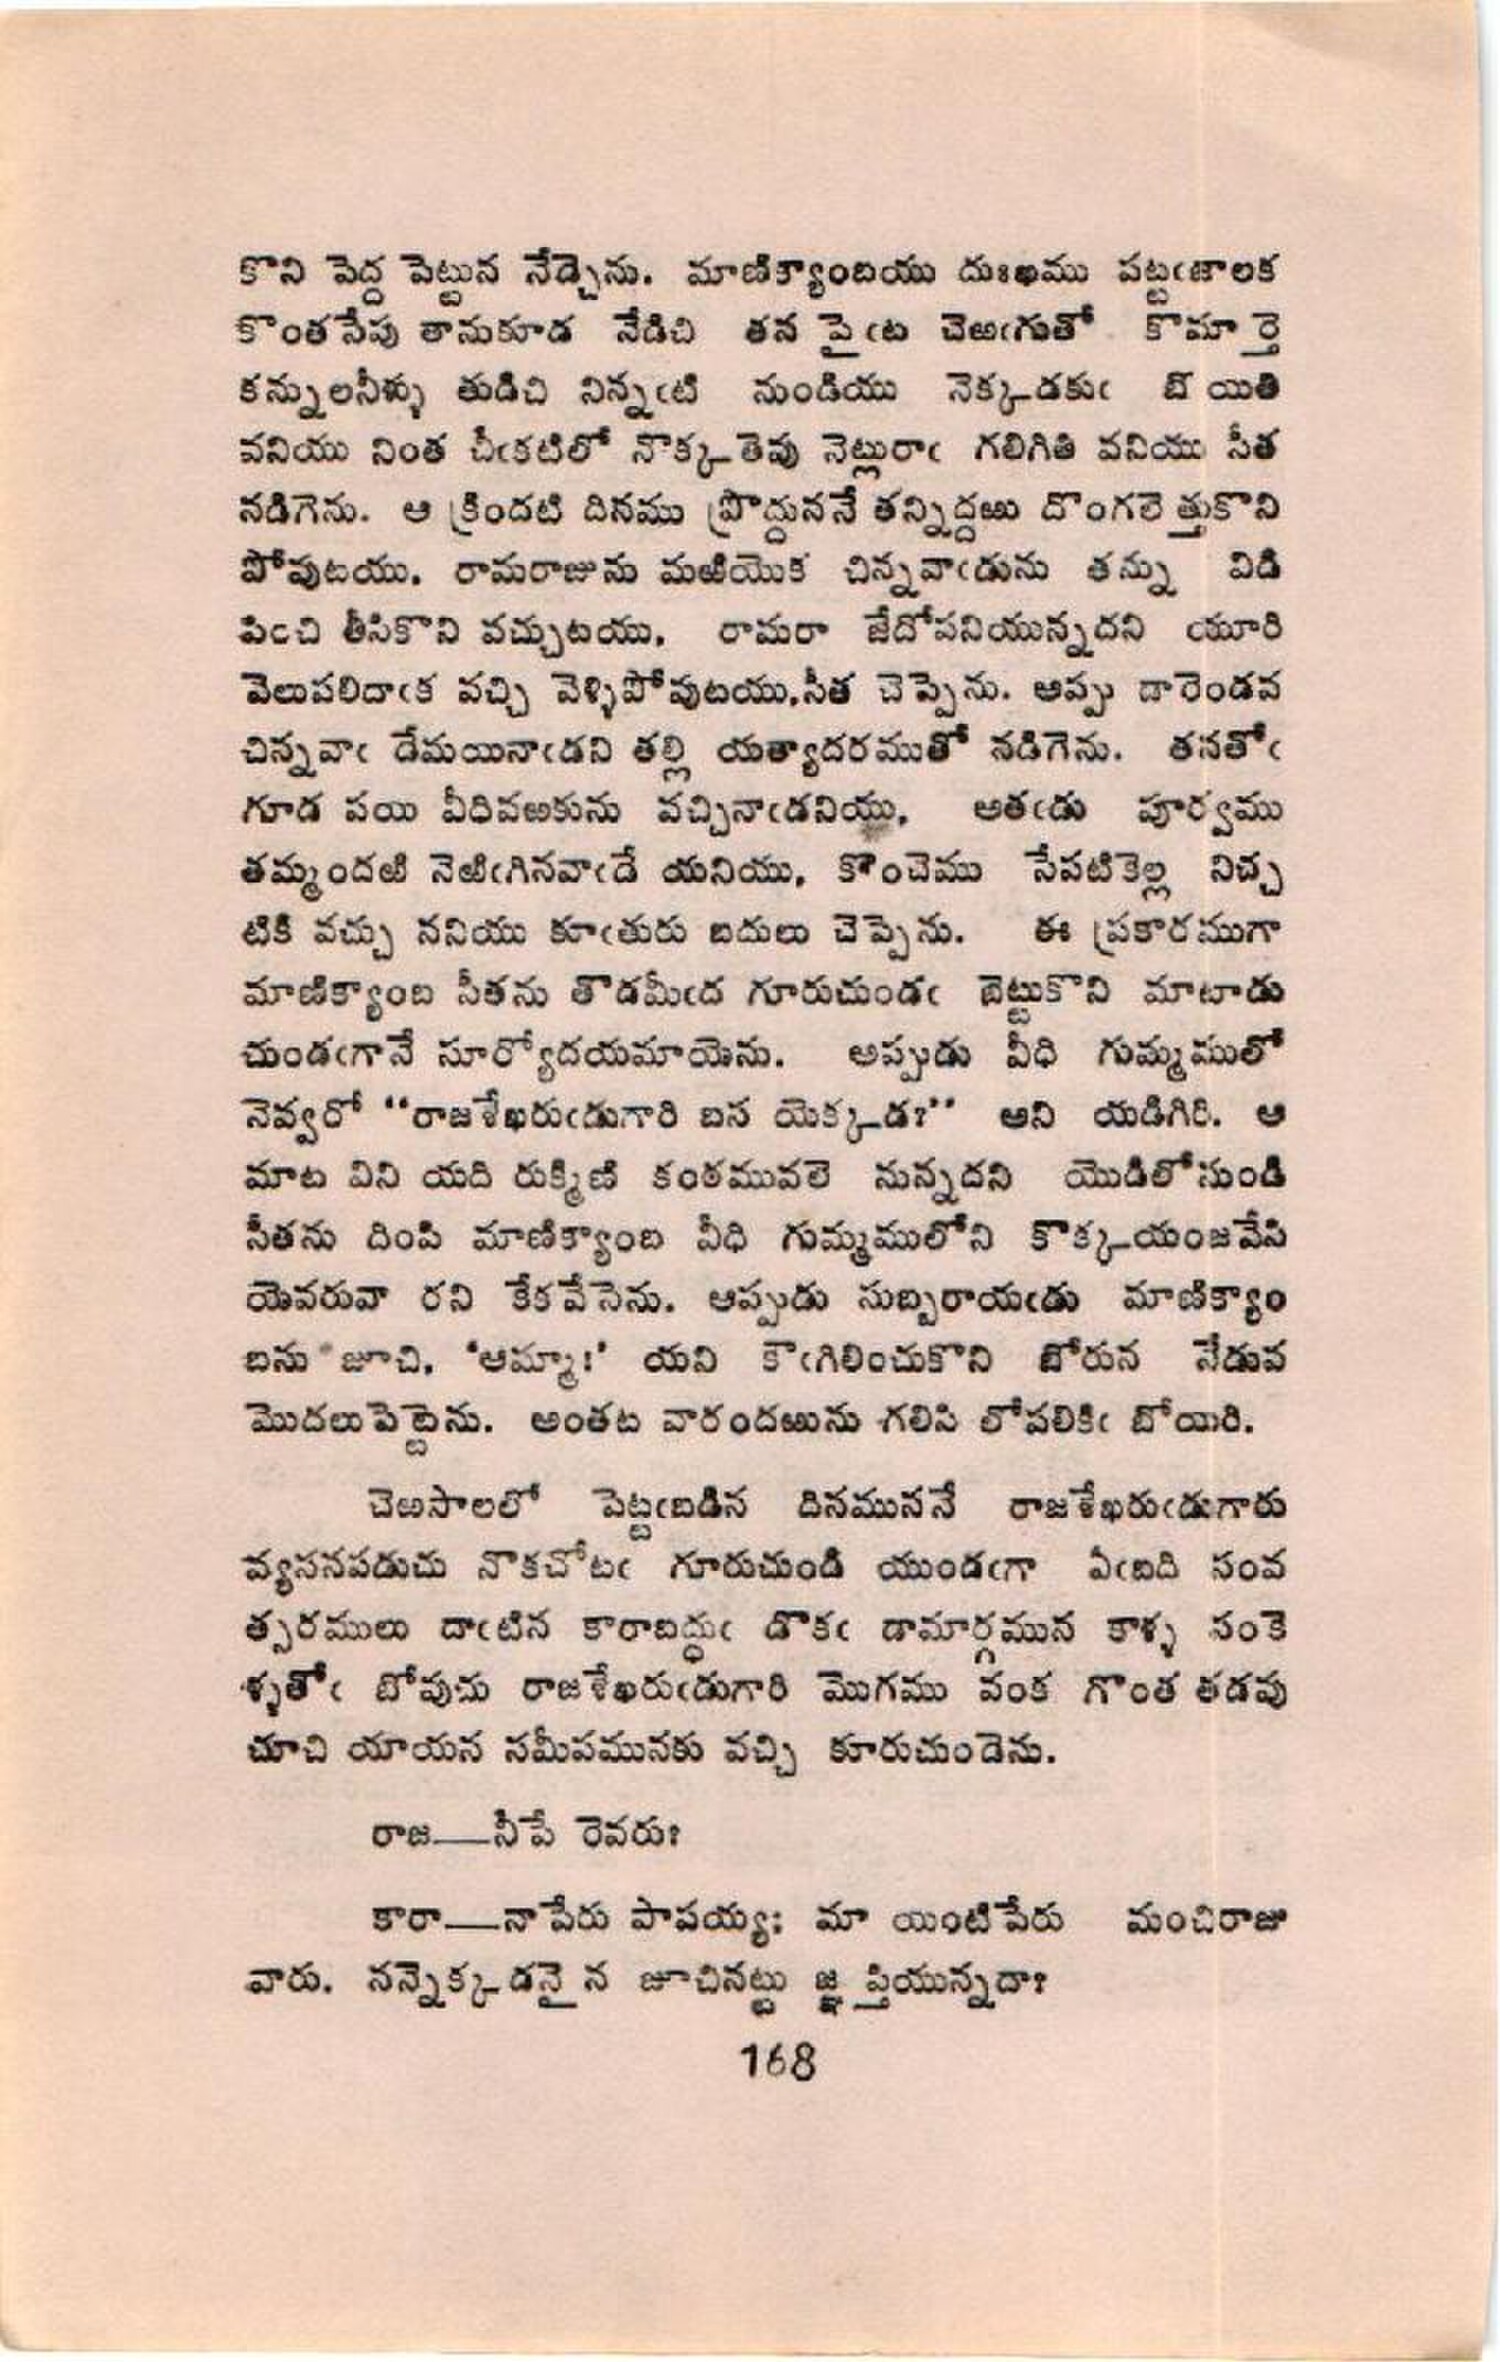కొని పెద్ద పెట్టున నేడ్చెను. మాణిక్యాంబయు దుఃఖము పట్టఁజాలక కొంతసేపు తానుకూడ నేడిచి తన పైఁట చెఱఁగుతో కొమార్తె కన్నులనీళ్ళ తుడిచి నిన్నఁటి నుండియు నెక్కడకుఁ బోయితి వనియు నింత చీకటిలో నొక్కతెవు నెట్లురాఁ గలిగితి వనియు సీత నడిగెను. ఆ క్రిందటి దినము ప్రొద్దుననే తన్నిద్దఱు దొంగలెత్తుకొని పోవుటయు, రామరాజును మఱియొక చిన్నవాఁడును తన్ను విడిపించి తీసికొని వచ్చుటయు, రామరా జేదోపనియున్నదని యూరి వెలుపలిదాఁక వచ్చి వెళ్ళిపోవుటయు,సీత చెప్పెను. అప్పు డారెండవ చిన్నవాఁ డేమయినాఁడని తల్లి యత్యాదరముతో నడిగెను. తనతో గూడ పయి వీధివఱకును వచ్చినాఁడనియు, అతఁడు పూర్వము తమ్మందఱి నెఱిగినవాఁడే యనియు, కొంచెము సేపటికెల్ల నిచ్చటికి వచ్చుననియు కూఁతురు బదులు చెప్పెను. ఈ ప్రకారముగా మాణిక్యాంబ సీతను తొడమీఁద గూరుచుండఁ బెట్టుకొని మాటాడు చుండఁగానే సూర్యోదయమాయెను. అప్పడు వీధి గుమ్మములో నెవ్వరో “రాజశేఖరుఁడుగారి బస యొక్కడ?" అని యడిగిరి. ఆ మాట విని యది రుక్మిణి కంఠమువలె నున్నదని యొడిలోనుండి సీతను దింపి మాణిక్యాంబ వీధి గుమ్మములోని కొక్కయంజవేసి యెవరువా రని కేకవేసెను. అప్పుడు సుబ్బరాయఁడు మాణిక్యాంబను జూచి, "అమ్మా' యని కౌగిలించుకొని బోరున నేడువ మొదలుపెట్టెను. అంతట వారందఱును గలిసి లోపలికిఁ బోయిరి.

చెఱసాలలో పెట్టఁబడిన దినముననే రాజశేఖరుఁడుగారు వ్యసనపడుచు నొకచోటఁ గూరుచుండి యుండఁగా ఏబది సంవత్సరములు దాఁటిన కారాబద్ధుఁ డొకఁ డామార్గమున కాళ్ళ సంకెళ్ళతోఁ బోవుచు రాజశేఖరుడుగారి మొగము వంక గొంత తడవు చూచి యాయన సమీపమునకు వచ్చి కూరుచుండెను.

రాజ__నీపే రెవరు?

కారా__నా పేరు పాపయ్య; మా యింటిపేరు మంచిరాజు వారు. నన్నెక్కడనై న జూచినట్టు జ్ఞప్తియున్నదా?